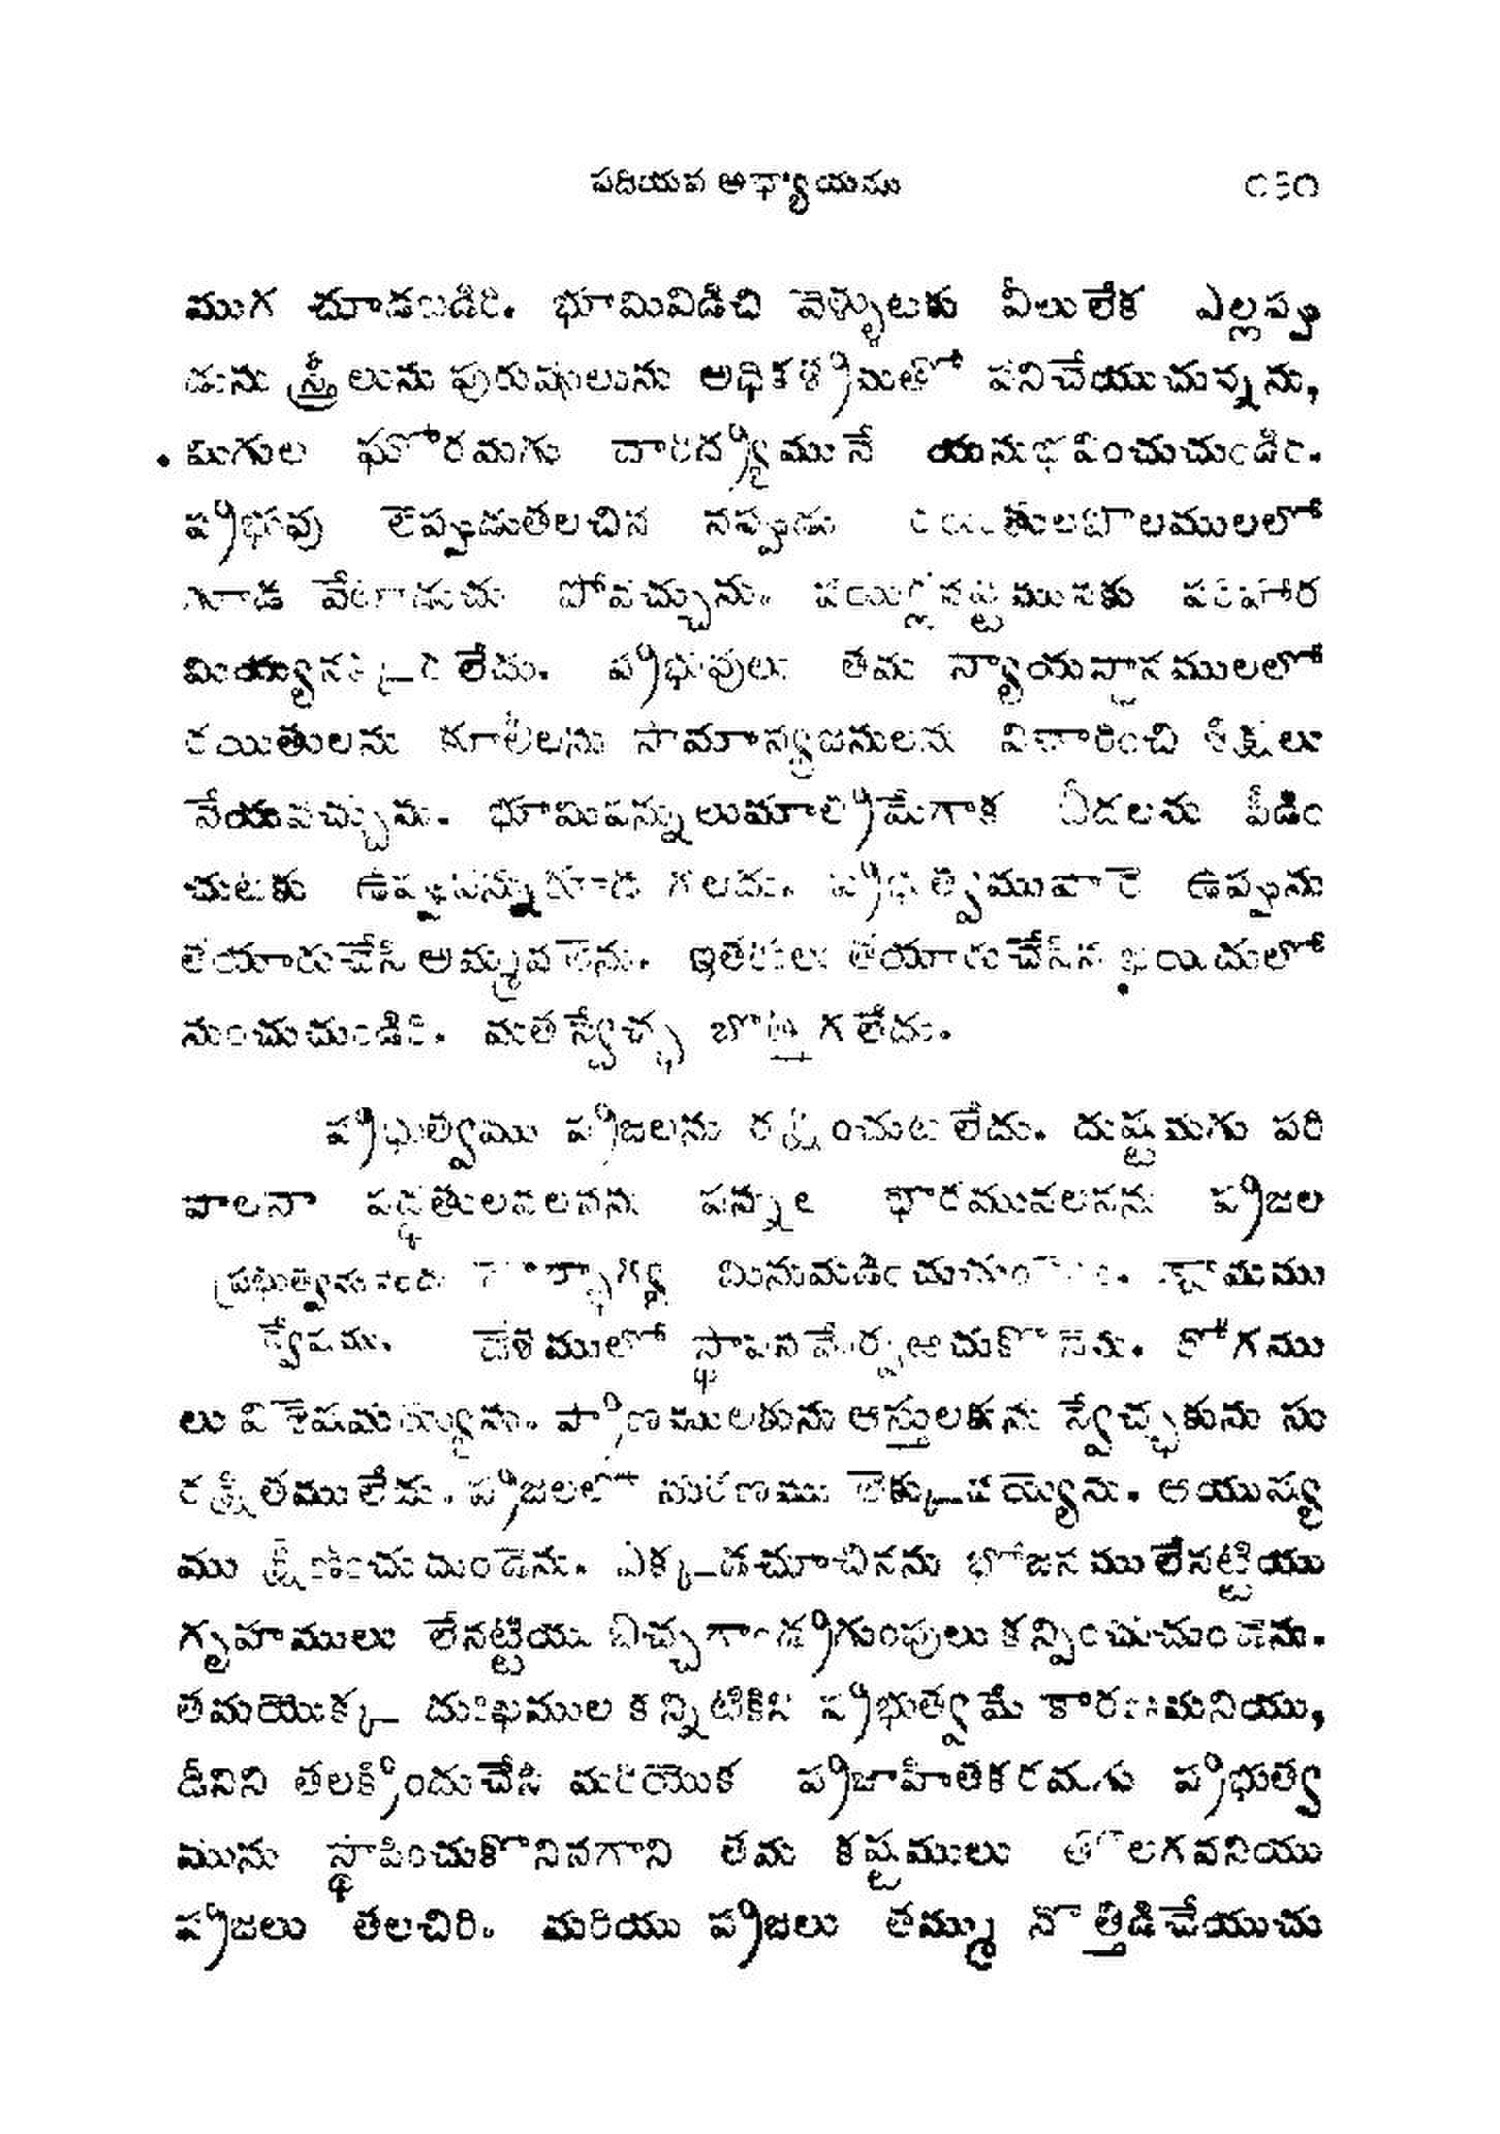హలములలో
ముగ చూడబడిరి. భూమివిడిచి వెళ్ళుటకు వీలు లేక ఎల్లప్పు
డను స్త్రీలుసు పురుషులును అధిక శ్రమతో పనిచేయుచున్నను,
మిగుల ఘోరమగు దారిద్రమునే యనుభవించుచుండిరి.
ప్రమభవు లెప్పుడు తలచిన నప్పుడు రయితుల పొలములో
గూడ వేటాడుచు పోవచ్చును. పయిర్ల నష్ట పరిహార 
మియ్యనక్కర లేదు. ప్రభువులు తమ న్యాయస్థానములలో
రయితులను కూలీలను : సామాన్యజనులను విచారించి శిక్షలు
సేయవచ్చును. భూమి పన్నులుమాత్రమేగాక బీదలను పీడిం
చుటకు ఉప్పపన్ను కూడకలదు ప్రభుత్వమువారె ఉప్పును
తచూరు చేసి అమ్మవలెను: . ఇతరరులు తయారు చేసిన ఖైదులో
నుంచుచుండిరి... మత స్వేచ్ఛ బొత్తిగ లేదు.

ప్రభుత్వమునందు
ద్వేషము

ప్రభుత్వము. ప్రజలను రక్షించుట లేదు. దుష్టమగు పరి
పాలన పద్దతుల వలనను పన్నుల భారము వలనను ప్రజల 
దౌర్భాగ్యమినుమడించు చుండెను. 
క్షామము, దేశములో స్థాపనమేర్పరచుకొనెను. రోగములు 
విశేషమయ్యును, పాణములకును ఆస్తులకు స్వేచ్ఛకును సు
రక్షితము లేదు. ప్రజల మరణము లెక్కు వయ్యెను. ఆయుష్య
ము క్షీణించు చుండెను. ఎక్కడ చూచినను భోజనము లేనట్టియు
గృహములు లేనట్టియు బిచ్చగాడ్ర గుంపులు కన్పించుచుండెను.
తమయొక్క దుఃఖముల కన్నిటికీ ప్రభుత్వమే కారణమనియు,
దీనిని తలకిందు చేసి మరియొక ప్రజాహితకరమగు ప్రభుత్వ
మును స్థాపించుకొనినగాని తమ కష్టములు తొలగవనియు
ప్రజలు తలచిరి. మరియు ప్రజలు తమ్ము నొత్తిడి చేయుచు